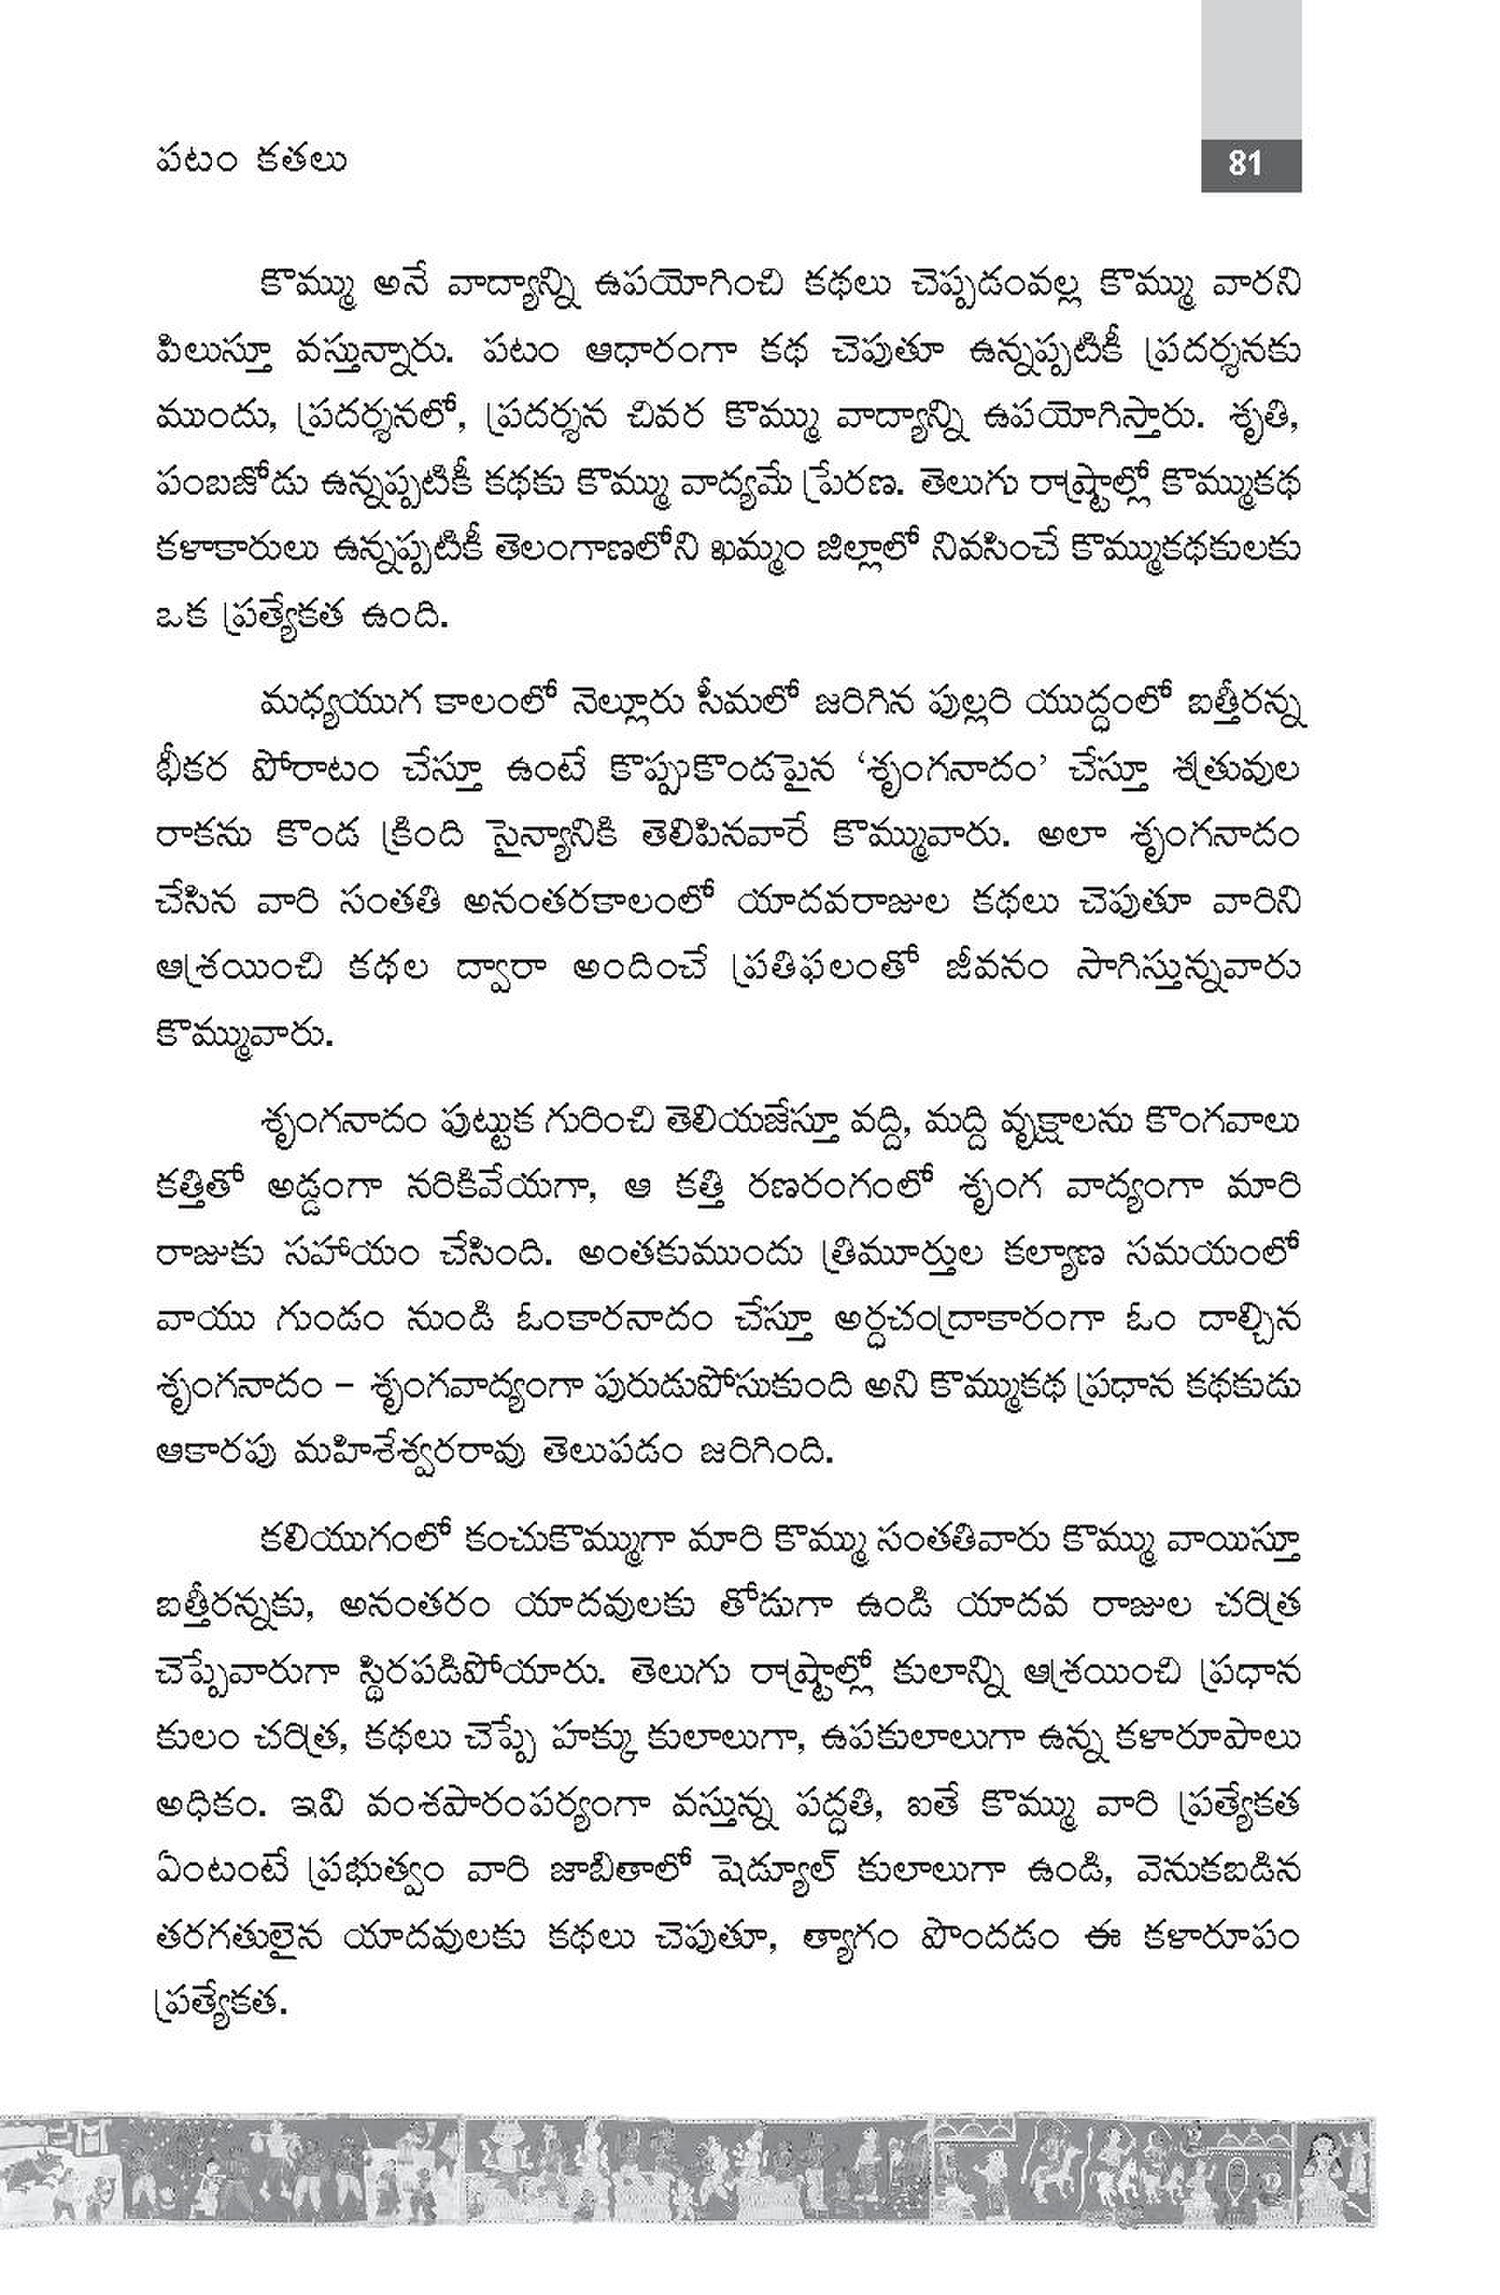కొమ్ము అనే వాద్యాన్ని ఉపయోగించి కథలు చెప్పడంవల్ల కొమ్ము వారని పిలుస్తూ వస్తున్నారు. పటం ఆధారంగా కథ చెపుతూ ఉన్నప్పటికీ ప్రదర్శనకు ముందు, ప్రదర్శనలో, ప్రదర్శన చివర కొమ్ము వాద్యాన్ని ఉపయోగిస్తారు. శృతి,
పంబజోడు ఉన్నప్పటికీ కథకు కొమ్ము వాద్యమే ప్రేరణ. తెలుగు రాష్ట్రాల్లో కొమ్ముకథ కళాకారులు ఉన్నప్పటికీ తెలంగాణలోని ఖమ్మం జిల్లాలో నివసించే కొమ్ముకథకులకు ఒక ప్రత్యేకత ఉంది.

మధ్యయుగ కాలంలో నెల్లూరు సీమలో జరిగిన పుల్లరి యుద్ధంలో బత్తీరన్న భీకర పోరాటం చేస్తూ ఉంటే కొప్పుకొండపైన 'శృంగనాదం' చేస్తూ శత్రువుల రాకను కొండ క్రింది సైన్యానికి తెలిపినవారే కొమ్మువారు. అలా శృంగనాదం చేసిన వారి సంతతి అనంతరకాలంలో యాదవరాజుల కథలు చెపుతూ వారిని ఆశ్రయించి కథల ద్వారా అందించే ప్రతిఫలంతో జీవనం సాగిస్తున్నవారు కొమ్మువారు.

శృంగనాదం పుట్టుక గురించి తెలియజేస్తూ వద్ది, మద్ది వృక్షాలను కొంగవాలు కత్తితో అడ్డంగా నరికివేయగా, ఆ కత్తి రణరంగంలో శృంగ వాద్యంగా మారి రాజుకు సహాయం చేసింది. అంతకుముందు త్రిమూర్తుల కల్యాణ సమయంలో
వాయు గుండం నుండి ఓంకారనాదం చేస్తూ అర్ధచంద్రాకారంగా ఓం దాల్చిన శృంగనాదం - శృంగవాద్యంగా పురుడుపోసుకుంది అని కొమ్ముకథ ప్రధాన కథకుడు ఆకారపు మహిశేశ్వరరావు తెలుపడం జరిగింది.

కలియుగంలో కంచుకొమ్ముగా మారి కొమ్ము సంతతివారు కొమ్ము వాయిస్తూ బత్తీరన్నకు, అనంతరం యాదవులకు తోడుగా ఉండి యాదవ రాజుల చరిత్ర చెప్పేవారుగా స్థిరపడిపోయారు. తెలుగు రాష్ట్రాల్లో కులాన్ని ఆశ్రయించి ప్రధాన కులం చరిత్ర, కథలు చెప్పే హక్కు కులాలుగా, ఉపకులాలుగా ఉన్న కళారూపాలు అధికం. ఇవి వంశపారంపర్యంగా వస్తున్న పద్ధతి, ఐతే కొమ్ము వారి ప్రత్యేకత ఏంటంటే ప్రభుత్వం వారి జాబితాలో షెడ్యూల్ కులాలుగా ఉండి, వెనుకబడిన
తరగతులైన యాదవులకు కథలు చెపుతూ, త్యాగం పొందడం ఈ కళారూపం ప్రత్యేకత.